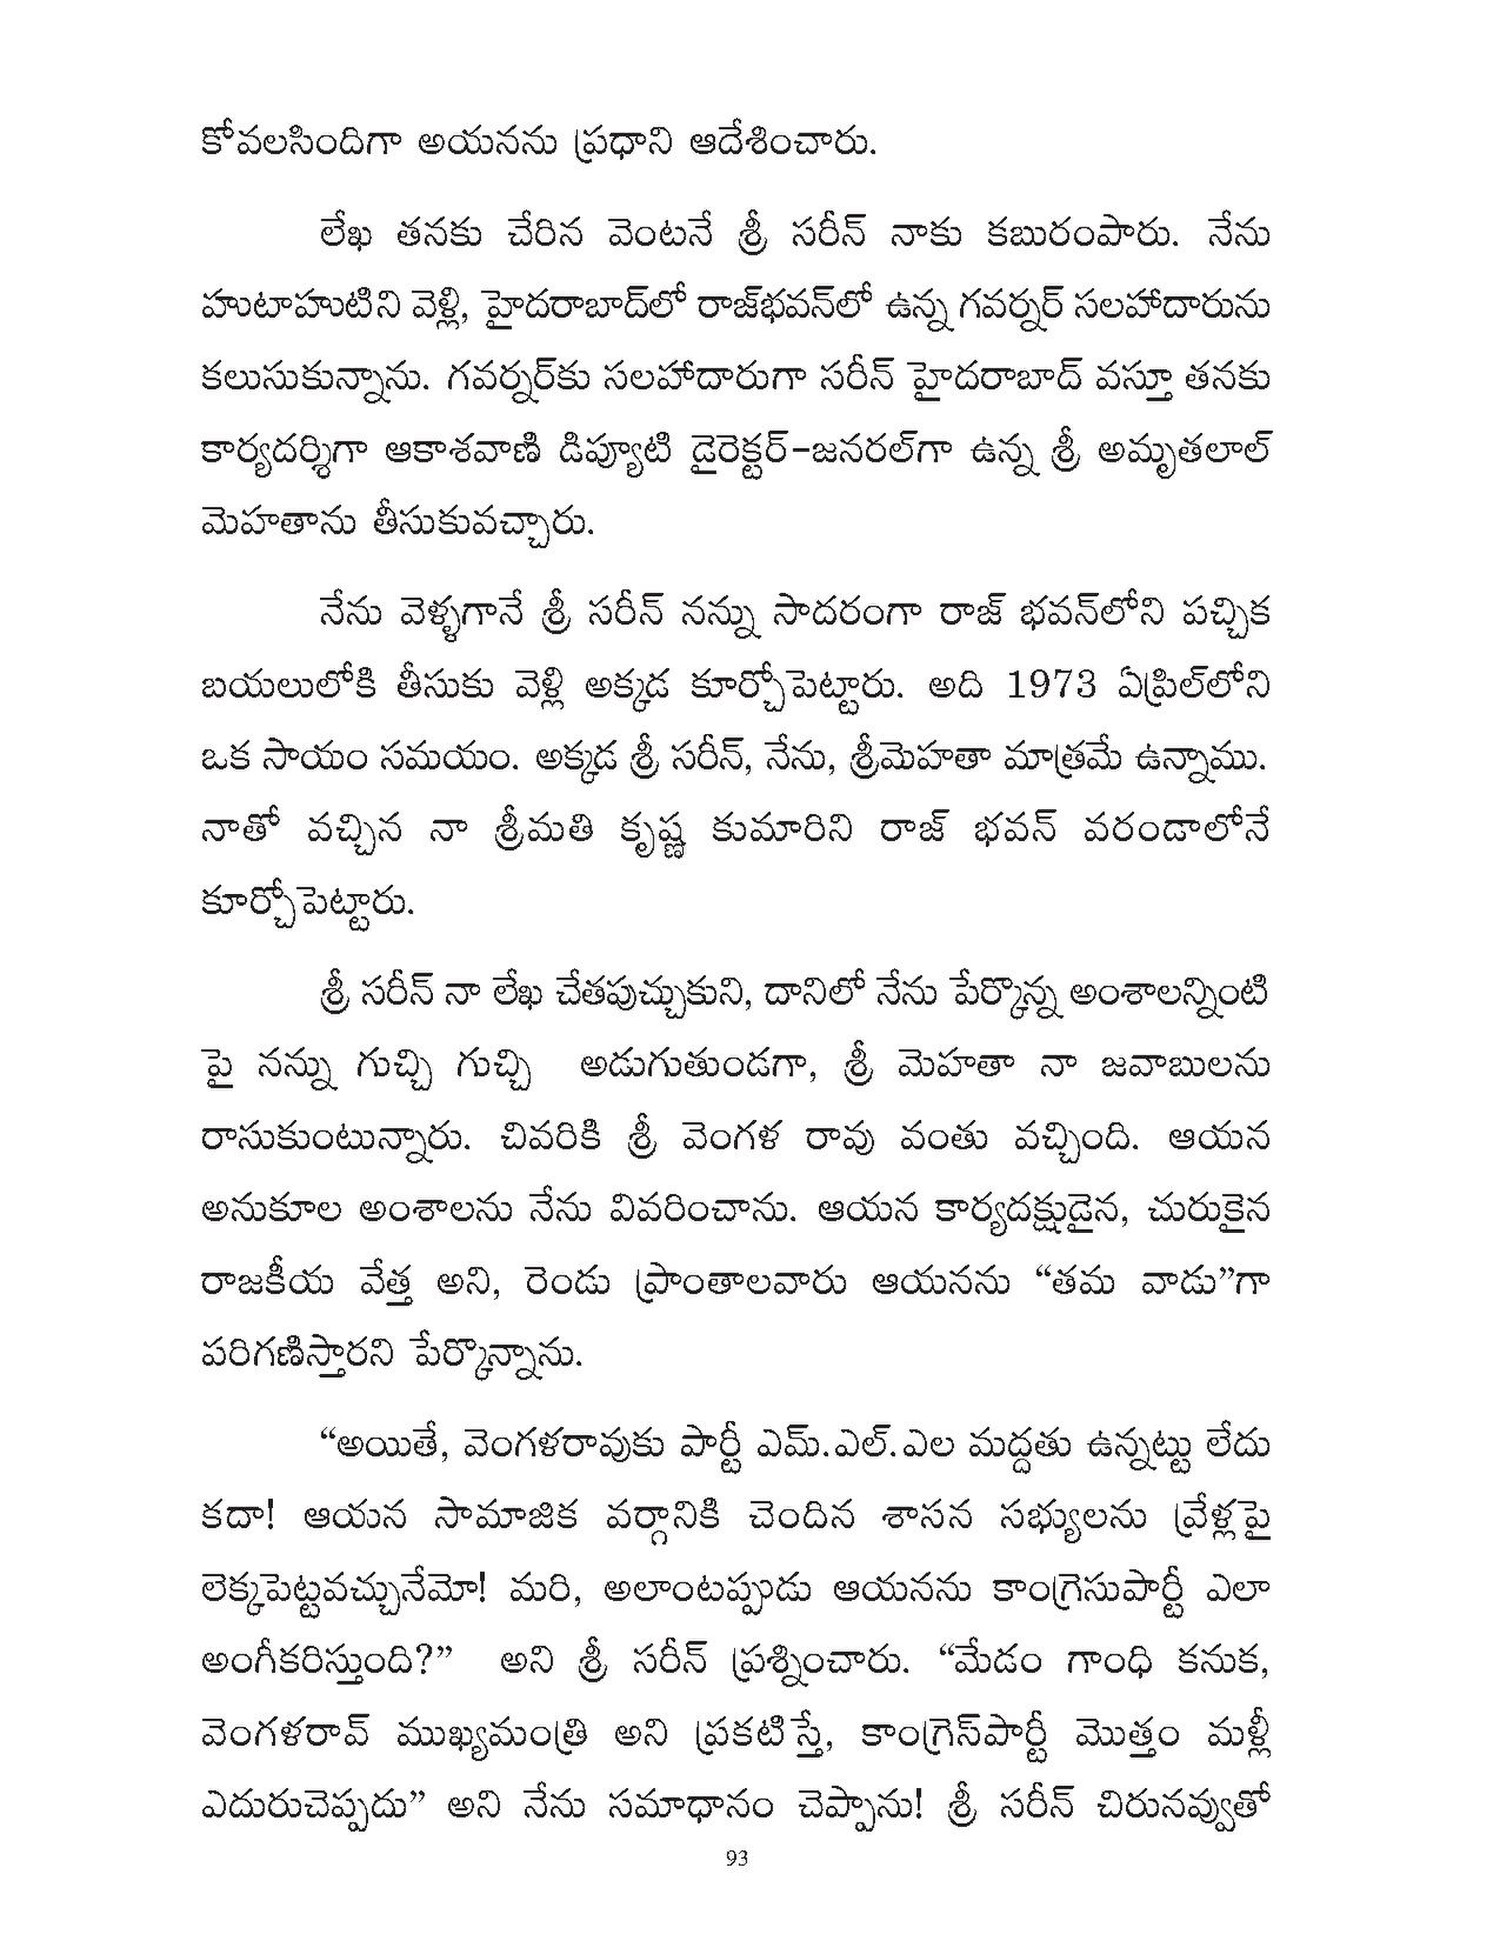కోవలసిందిగా అయనను ప్రధాని ఆదేశించారు.

లేఖ తనకు చేరిన వెంటనే శ్రీ సరీన్‌ నాకు కబురంపారు. నేను
హుటాహుటిని వెళ్లి, హైదరాబాద్‌లో రాజ్‌భవన్‌లో ఉన్న గవర్నర్‌ సలహాదారును
కలుసుకున్నాను. గవర్నర్‌కు సలహాదారుగా సరీన్‌ హైదరాబాద్‌ వస్తూ తనకు
కార్యదర్శిగా ఆకాశవాణి డిప్యూటి డైరెక్టర్‌-జనరల్‌గా ఉన్న శ్రీ అమృతలాల్‌
మెహతాను తీసుకువచ్చారు.

నేను వెళ్ళగానే శ్రీ సరీన్‌ నన్ను సాదరంగా రాజ్‌ భవన్‌లోని పచ్చిక
బయలులోకి తీసుకు వెళ్లి అక్కడ కూర్చోపెట్టారు. అది 1973 ఏప్రిల్‌లోని
ఒక సాయం సమయం. అక్కడ శ్రీ సరీన్‌, నేను, శ్రీమెహతా మాత్రమే ఉన్నాము.
నాతో వచ్చిన నా శ్రీమతి కృష్ణ కుమారిని రాజ్‌ భవన్‌ వరండాలోనే
కూర్చోపెట్టారు.

శ్రీ సరీన్‌ నా లేఖ చేతపుచ్చుకుని, దానిలో నేను పేర్కొన్న అంశాలన్నింటి
పై నన్ను గుచ్చి గుచ్చి అడుగుతుండగా, శ్రీ మెహతా నా జవాబులను
రాసుకుంటున్నారు. చివరికి శ్రీ వెంగళ రావు వంతు వచ్చింది. ఆయన
అనుకూల అంశాలను నేను వివరించాను. ఆయన కార్యదక్షుడైన, చురుకైన
రాజకీయ వేత్త అని, రెండు ప్రాంతాలవారు ఆయనను "తమ వాడు"గా
పరిగణిస్తారని పేర్కొన్నాను.

"అయితే, వెంగళరావుకు పార్టీ ఎమ్‌.ఎల్‌.ఎల మద్దతు ఉన్నట్టు లేదు
కదా! ఆయన సామాజిక వర్గానికి చెందిన శాసన సభ్యులను వ్రేళ్లపై
లెక్కపెట్టవచ్చునేమో! మరి, అలాంటప్పుడు ఆయనను కాంగ్రెసుపార్టీ ఎలా
అంగీకరిస్తుంది?" అని శ్రీ సరీన్‌ ప్రశ్నించారు. "మేడం గాంధి కనుక,
వెంగళరావ్‌ ముఖ్యమంత్రి అని ప్రకటిస్తే, కాంగ్రెస్‌పార్టీ మొత్తం మళ్లీ
ఎదురుచెప్పదు" అని నేను సమాధానం చెప్పాను! శ్రీ సరీన్‌ చిరునవ్వుతో